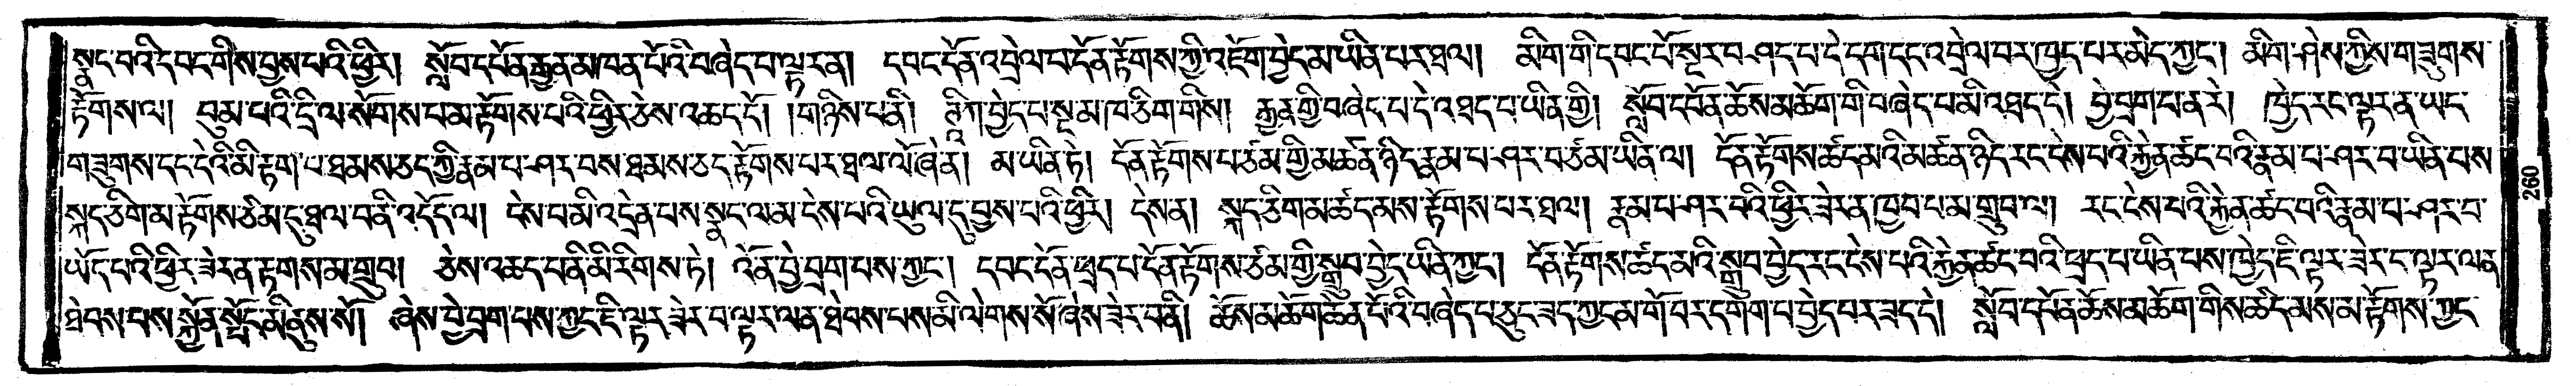སྣང་བའི་དབང་གིས་བྱས་པའི་ཕྱིར། སློབ་དཔོན་རྒྱན་མཁན་པོའི་བཞེད་པ་ལྟར་ན། དབང་དོན་འབྲེལ་པ་དོན་རྟོགས་ཀྱི་འཇོག་བྱེད་མ་ཡིན་པར་ཐལ། མིག་གི་དབང་པོ་སྔར་བཤད་པ་དེ་དག་དང་འབྲེལ་བར་ཁྱད་པར་མེད་ཀྱང་། མིག་ཤེས་ཀྱིས་གཟུགས་
རྟོགས་ལ། བུམ་པའི་དྲི་ལ་སོགས་པ་མ་རྟོགས་པའི་ཕྱིར་ཅེས་འཆད་དོ། །གཉིས་པ་ནི། ཊཱིཀ་བྱེད་པ་སྔ་མ་ཁ་ཅིག་གིས། རྒྱན་གྱི་བཞེད་པ་དེ་འཐད་པ་ཡིན་གྱི། སློབ་དཔོན་ཆོས་མཆོག་གི་བཞེད་པ་མི་འཐད་དེ། བྱེ་བྲག་པ་ན་རེ། ཁྱེད་རང་ལྟར་ན་ཡང་
གཟུགས་དང་དེའི་མི་རྟག་པ་ཐམས་ཅད་ཀྱི་རྣམ་པ་ཤར་བས་ཐམས་ཅད་རྟོགས་པར་ཐལ་ལོ་ཞེ་ན། མ་ཡིན་ཏེ། དོན་རྟོགས་པ་ཙམ་གྱི་མཚན་ཉིད་རྣམ་པ་ཤར་བ་ཙམ་ཡིན་ལ། དོན་རྟོགས་ཚད་མའི་མཚན་ཉིད་རང་ངེས་པའི་རྐྱེན་ཚང་བའི་རྣམ་པ་ཤར་བ་ཡིན་པས་
སྐད་ཅིག་མ་རྟོགས་ཙམ་དུ་ཐལ་བ་ནི་འདོད་ལ། ངེས་པ་མི་འདྲེན་པས་སྣང་ལ་མ་ངེས་པའི་ཡུལ་དུ་བྱས་པའི་ཕྱིར། དེས་ན། སྐད་ཅིག་མ་ཚད་མས་རྟོགས་པར་ཐལ། རྣམ་པ་ཤར་བའི་ཕྱིར་ཟེར་ན་ཁྱབ་པ་མ་གྲུབ་ལ། རང་ངེས་པའི་རྐྱེན་ཚང་བའི་རྣམ་པ་ཤར་བ་
ཡོད་པའི་ཕྱིར་ཟེར་ན་རྟགས་མ་གྲུབ། ཅེས་འཆད་པ་ནི་མི་རིགས་ཏེ། འོ་ན་བྱེ་བྲག་པས་ཀྱང་། དབང་དོན་ཕྲད་པ་དོན་རྟོགས་ཙམ་གྱི་སྒྲུབ་བྱེད་ཡིན་ཀྱང་། དོན་རྟོགས་ཚད་མའི་སྒྲུབ་བྱེད་རང་ངེས་པའི་རྐྱེན་ཚང་བའི་ཕྲད་པ་ཡིན་པས་ཁྱེད་ཇི་ལྟར་ཟེར་བ་ལྟར་ལན་
ཐེབས་པས་སྐྱོན་སྤོང་མི་ནུས་སོ། ཞེས་བྱ་བྲག་པས་ཀྱང་ཇི་ལྟར་ཟེར་བ་ལྟར་ལན་ཐེབས་པས་མི་ལེགས་སོ་ཞེས་ཟེར་བ་ནི། ཆོས་མཆོག་ཆེན་པོའི་བཞེད་པ་ཅུང་ཟད་ཀྱང་མ་གོ་བར་དགག་པ་བྱེད་པར་ཟད་དེ། སློབ་དཔོན་ཆོས་མཆོག་གིས་ཚད་མས་མ་རྟོགས་ཀྱང་